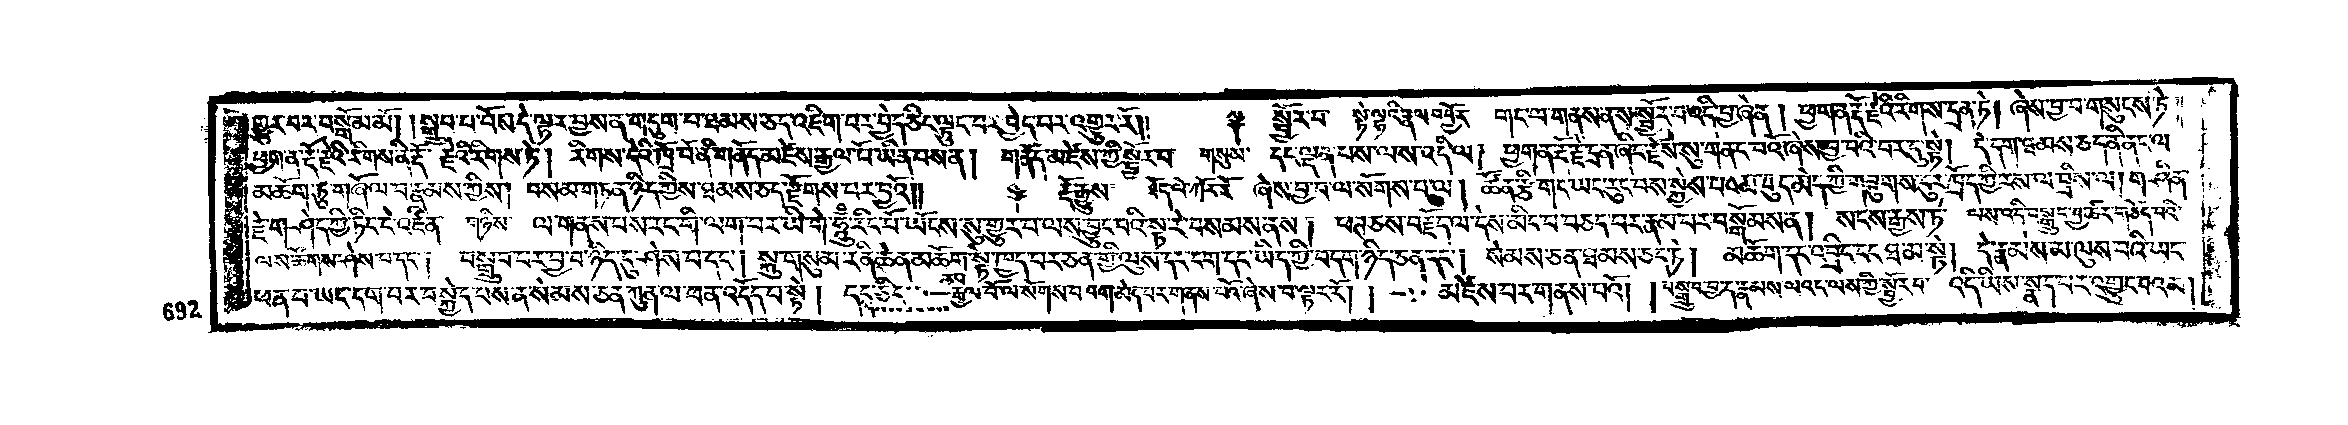གྱུར་བར་བསྒོམ་མོ། །སྒྲུབ་པ་པོས་དེ་ལྟར་བྱས་ན་གདུག་པ་ཐམས་ཅད་འཇིག་པར་བྱེད་ཅིང་ལྟུང་བར་བྱེད་པར་འགྱུར་རོ།། ༈ སྦྱོར་བ་སྟེ་ལྷའི་རྣལ་འབྱོར་གང་ལ་གནས་ནས་སྦྱོར་བ་འདི་བྱ་ཞེ་ན། ཕྱག་ན་རྡོ་རྗེའི་རིགས་དྲན་ཏེ། ཞེས་བྱ་བ་གསུངས་ཏེ།
ཕྱག་ན་རྡོ་རྗེའི་རིགས་ནི་རྡོ་རྗེའི་རིགས་ཏེ། རིགས་དེའི་ཁྲོ་བོ་ནི་གནོད་མཛེས་རྒྱལ་པོ་ཡིན་པས་ན། གནོད་མཛེས་ཀྱི་སྦྱོར་བ་གསུམ་དང་ལྡན་པས་ལས་འདི་ལ། ཕྱག་ན་རྡོ་རྗེ་དྲན་ཞིང་རྗེས་སུ་གནང་བའོ་ཞེས་བྱ་བའི་བར་དུ་སྟེ། དེ་དག་ཐམས་ཅད་ནི་ནང་ལ་
མཆོག་ཏུ་གཞོལ་བ་རྣམས་ཀྱིས། བསམ་གཏན་ཉིད་ཀྱིས་ཐམས་ཅད་རྫོགས་པར་བྱའོ།། ༈ རྡོ་རྒྱུས་ཐོད་ལི་ཀོར་རོ་ཞེས་བྱ་བ་ལ་སོགས་པ་ལ། ཚོན་རྩི་གང་ཡང་རུང་བས་སྐྱེས་པའམ་བུད་མེད་ཀྱི་གཟུགས་ངུར་ཁྲོད་ཀྱི་རས་ལ་བྲིས་ལ། གཤིན་
རྗེ་གཤེད་ཀྱི་ཏིང་ངེ་འཛིན་གཉིས་ལ་གནས་པས་རང་གི་ལག་པར་ཡི་གེ་ཧཱུཾ་རིང་པོ་ཡོངས་སུ་གྱུར་པ་ལས་བྱུང་བའི་སྟ་རེ་བསམས་ནས། ཕཊ་ཅེས་བརྗོད་ལ་དེས་མིང་པ་བཅད་པར་རྣམ་པར་བསྒོམས་ན། སངས་རྒྱས་ཏེ་ལས་འདི་བསྒྲུབ་བྱ་ཚར་གཅོད་པའི་
ལས་ཚོགས་ཤེས་པ་དང་། བསྒྲུབ་པར་བྱ་བ་ཉིད་དུ་ཤེས་པ་དང་། སྐུ་གསུམ་རིན་ཆེན་མཆོག་སྟེ་ཁྱད་པར་ཅན་གྱི་ལུས་དང་ངག་དང་ཡིད་ཀྱི་བདག་ཉིད་ཅན་དང་། སེམས་ཅན་ཐམས་ཅད་ཏེ། མཆོག་དང་འབྲིང་དང་ཐ་མ་སྟེ། དེ་རྣམས་མ་ལུས་པའི་ཡང་ཕན་པ་ཡང་དག་པར་བསྐྱེད་པས་ན་སེམས་ཅན་ཀུན་ལ་ཕན་འདོད་པ་སྟེ། དད་ཅིང་H.་ཆག་རྒྱལ་པོ་ལ་སོགས་པ་བག་མེད་པར་གནས་པའོ་ཞེས་པ་ལྟར་རོ། ། .H མཛེས་པར་གནས་པའོ། ། བསྒྲུབ་བྱ་དེ་རྣམས་ལའང་ལས་ཀྱི་སྦྱོར་བ་འདི་ཡིས་སྣད་པར་འགྱུར་བའམ།